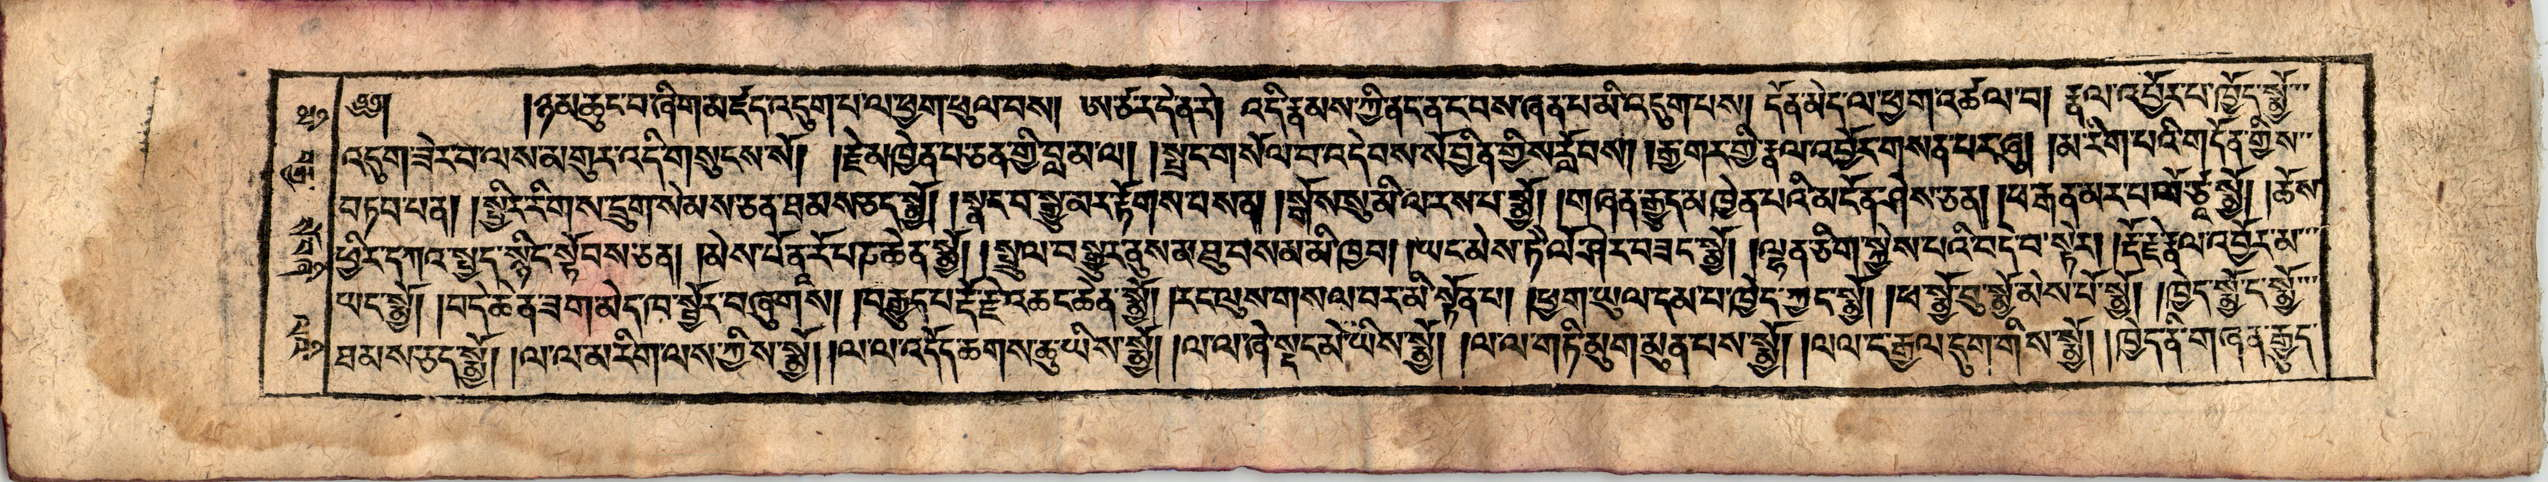ཉམ་ཆུང་བ་ཞིག་མཛད་འདུག་པ་ལ་ཕྱག་ཕུལ་བས། ཨ་ཙར་དེ་ནར། འདི་རྣམས་ཀྱི་ནང་ན་ང་བས་ཞན་པ་མི་འདུག་པས། དོན་མེད་ལ་ཕྱག་འཚལ་བ། རྣལ་འབྱོར་པ་ཁྱོད་སྨྱོ་
འདུག་ཟེར་བ་ལས་མགུར་འདི་གསུངས་སོ། །རྗེ་མཁྱེན་པ་ཅན་གྱི་བླ་མ་ལ། །སྤྲང་གསོལ་བ་འདེབས་སོ་བྱིན་གྱིས་རློབས། །རྒྱ་གར་གྱི་རྣལ་འབྱོར་གསན་པར་ཞུ། །མ་རིག་པའི་གདོན་གྱིས་
བཏབ་པ་ན། །སྤྱིར་རིགས་དྲུག་སེམས་ཅན་ཐམས་ཅད་སྟེ། །སྣང་བ་སྒྱུ་མར་རྟོགས་པས་ན། །སྒོས་སུ་མི་ལ་རས་པ་སྨྱོ། །གཞན་རྒྱུད་མཁྱེན་པའི་མངོན་ཤེས་ཅན། །ཕ་རྒན་མར་པ་ལོ་ཙྭ་སྨྱོ། །ཆོས་
ཕྱིར་དཀའ་སྤྱད་སྙིང་སྟོབས་ཅན། །མེས་པོ་ནཱ་རོ་པཎ་ཆེན་སྨྱོ། །སྤྲུལ་བསྒྱུར་ནུས་མཐུ་བསམ་མི་ཁྱབ། །ཡང་མེས་ཏེ་ལོ་ཤེར་བཟང་སྨྱོ། །ལྷན་ཅིག་སྐྱེས་པའི་བདེ་བ་སྟེར། །རྡོ་རྗེ་རྣལ་འབྱོར་མ་
ཡང་སྨྱོ། །བདེ་ཆེན་ཟག་མེད་ཁ་སྦྱོར་བཞུགས། །བརྒྱུད་པ་རྡོ་རྗེ་འཆང་ཆེན་སྨྱོ། །རང་ལུས་གསལ་བར་མི་སྟོན་པ། ཕྱག་ཡུལ་དམ་པ་ཁྱེད་ཀྱང་སྨྱོ། །ཕ་སྨྱོ་བུ་སྨྱོ་མེས་པོ་སྨྱོ། །ཁྱེད་སྨྱོ་ང་སྨྱོ་
ཐམས་ཅད་སྨྱོ། །ལ་ལ་མ་རིག་ལས་ཀྱིས་སྨྱོ། །ལ་ལ་འདོད་ཆགས་ཆུ་ཡིས་སྨྱོ། །ལ་ལ་ཞེ་སྡང་མེ་ཡིས་སྨྱོ། །ལ་ལ་གཏི་མུག་མུན་པས་སྨྱོ། །ལ་ལ་ང་རྒྱལ་དུག་གིས་སྨྱོ། །ཁྱེད་ནི་གཞན་རྒྱུད་